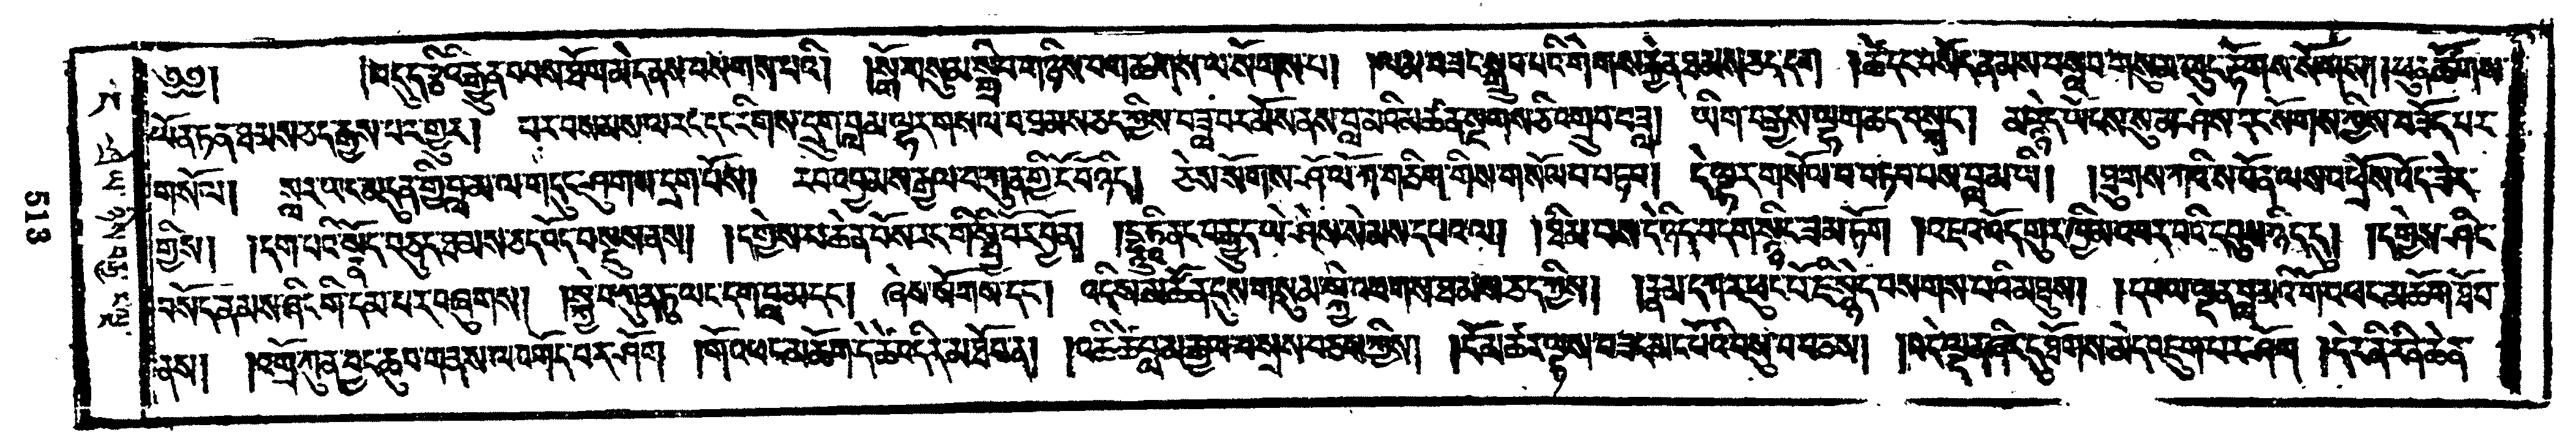༄༅། །བདུད་རྩིའི་རྒྱུན་བབས་ཐོག་མེད་ནས་བསགས་པའི། །སྒོ་གསུམ་སྒྲིབ་གཉིས་བག་ཆགས་ལ་སོགས་པ། །ལམ་བཟང་སྒྲུབ་པའི་གེགས་རྐྱེན་ཐམས་ཅད་དག །ཚེ་དང་བསོད་ནམས་བསླབ་གསུམ་ལུང་རྟོགས་སོགས། །ཕུན་ཚོགས་
ཡོན་ཏན་ཐམས་ཅད་རྒྱས་པར་གྱུར། པར་བསམས་ལ་རང་དང་རིགས་དྲུག་བླ་མ་ལྷར་གསལ་བ་ཐམས་ཅད་ཀྱིས་བཟླ་བར་མོས་ནས་བླ་མའི་མཚན་སྔགས་ཅི་འགྲུབ་བཟླ། ཡིག་བརྒྱས་ལྷག་ཆད་བསྐང་། མ་རྙེད་ཡོངས་སུ་མ་ཤེས་དང་སོགས་ཀྱིས་བཟོད་པར་
གསོལ། སླར་ཡང་མདུན་གྱི་བླ་མ་ལ་གདུང་ཤུགས་དྲག་པོས། རབ་འབྱམས་རྒྱལ་བ་ཀུན་གྱི་ངོ་བོ་ཉིད། ཅེས་སོགས་ཤོ་ལོ་ཀ་གཅིག་གིས་གསོལ་བ་བཏབ། དེ་ལྟར་གསོལ་བ་བཏབ་པས་བླ་མ་ཡི། །ཐུགས་ཀའི་ས་བོན་ལས་འཕྲོས་འོད་ཟེར་
གྱིས། །དག་པའི་སྣོད་བཅུད་ཐམས་ཅད་འོད་བསྡུས་ནས། །དགྱེས་པ་ཆེན་པོས་རང་གི་སྤྱི་བོར་བྱོན། །དྷཱུ་ཏཱི་ནང་བརྒྱུད་ཡེ་ཤེས་སེམས་དཔའ་ལ། །ཐིམ་པས་དེ་ཉིད་བདག་སྙིང་ཟམ་ཏོག །འཇའ་འོད་གུར་ཁྱིམ་འབར་བའི་དབུས་ཉིད་དུ། །དགྱེས་ཤིང་
བསོད་ནམས་ཞིང་གི་དམ་པར་བཞུགས། །སྐྱེ་བ་ཀུན་ཏུ་ལང་དག་བླ་མ་དང་། ཞེས་སོགས་དང་། འདིས་མཚོན་དུས་གསུམ་སྐྱེ་འཕགས་ཐམས་ཅད་ཀྱིས། །རྣམ་དཀར་ཕུང་པོ་ཇི་སྙེད་བསགས་པའི་མཐུས། །དཔལ་ལྡན་བླ་མའི་གོ་འཕང་མཆོག་ཐོབ་
ནས། །འགྲོ་ཀུན་བྱང་ཆུབ་གནས་ལ་འགོད་པར་ཤོག །གོ་འཕང་མཆོག་དེ་ཚེ་འདིར་མཐོབ་ན། །འཆི་ཚེ་བླ་མ་རྒྱལ་བ་སྲས་བཅས་ཀྱིས། །ངོ་མཚར་ལྟས་བཟང་མང་པོའི་བསུ་བ་བཅས། །བདེ་ལྡན་ཞིང་དུ་ཐོགས་མེད་འཇུག་པར་ཤོག །དེར་ནི་རིན་ཆེན་